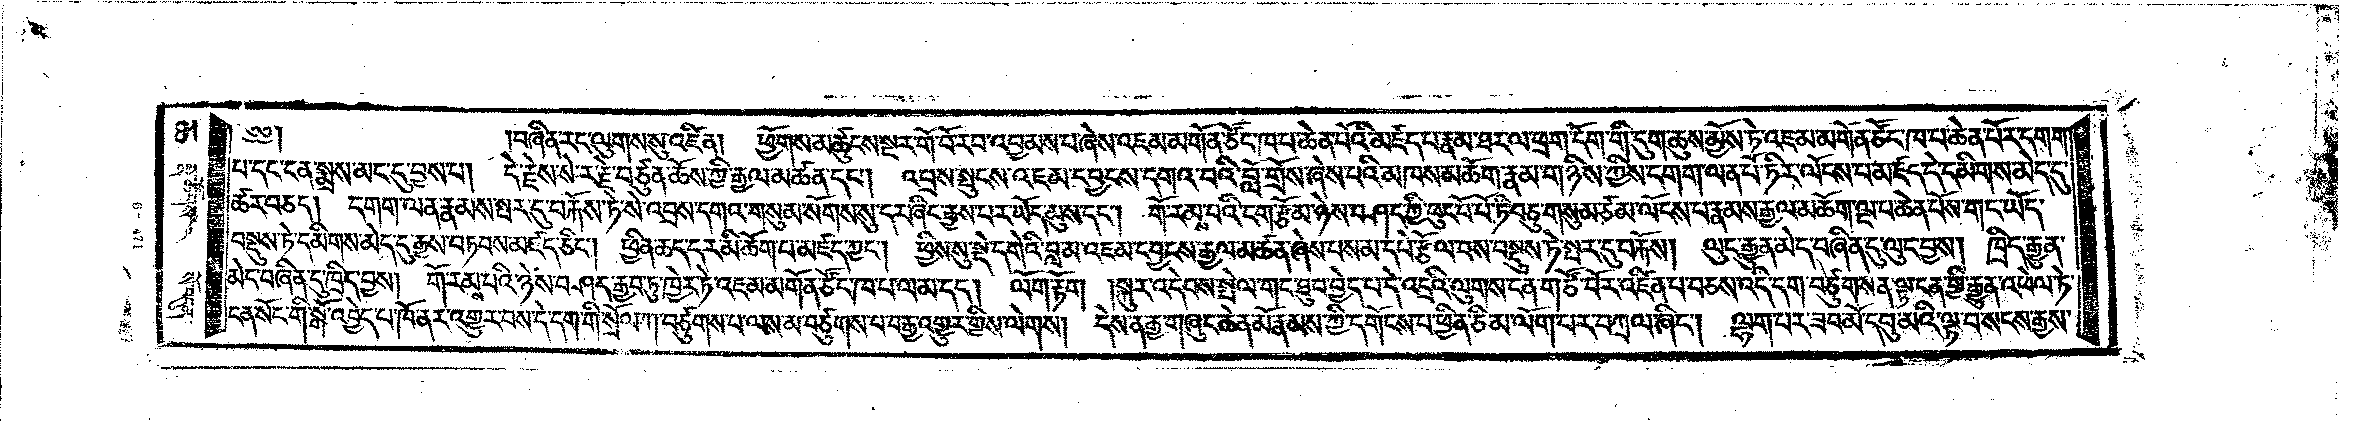༄༅། །བཞིན་རང་ལུགས་སུ་འཛིན། ཕྱོགས་མཚུངས་སྔར་གོ་བོ་རབ་འབྱམས་པ་ཞེས་འཇམ་མགོན་ཙོང་ཁ་པ་ཆེན་པོའི་མཛད་པ་རྣམ་ཐར་ལ་ཕྲག་དོན་གི་དུག་ཆུས་མྱོས་ཏེ་འཇམ་མགོན་ཙོང་ཁ་པ་ཆེན་པོར་དགག་
པ་དང་ངན་སྨྲས་མང་དུ་བྱས་པ། དེ་རྗེས་སེ་ར་རྗེ་བཙུན་ཆོས་ཀྱི་རྒྱལ་མཚན་དང་། འབྲས་སྤུངས་འཇམ་དབྱངས་དགའ་བའི་བློ་གྲོས་ཞེས་པའི་མཁས་མཆོག་རྣམ་གཉིས་ཀྱིས་དགག་ལན་པོ་ཏིར་ལོངས་པ་མཛད་དེ་དམིགས་མེད་དུ་
ཚར་བཅད། དགག་ལན་རྣམས་སྤར་དུ་བརྐོས་ཏེ་སེ་འབྲས་དགའ་གསུམ་སོགས་སུ་དར་ཞིང་རྒྱས་པར་ཡོད་མུས་དང་། གོ་རམས་པའི་ངག་རྩོམ་ཉེས་བཤད་ཀྱི་ཕུང་པོ་པོ་ཏི་བཅུ་གསུམ་ཙམ་ལོངས་པ་རྣམས་རྒྱལ་མཆོག་ལྔ་པ་ཆེན་པོས་གང་ཡོད་
བསྡུས་ཏེ་དམིགས་མེད་དུ་རྒྱས་བཏབས་མཛད་ཅིང་། ཕྱིན་ཆད་དར་མི་ཆོག་པ་མཛད་ཀྱང་། ཕྱིས་སུ་སྡེ་དགེའི་བླ་མ་འཇམ་དབྱངས་རྒྱལ་མཚན་ཞེས་པས་མ་དཔེ་རྩོལ་བས་བསྡུས་ཏེ་སྤར་དུ་བརྐོས། ལུང་རྒྱུན་མེད་བཞིན་དུ་ལུང་བྱས། ཁྲིད་རྒྱུན་
མེད་བཞིན་དུ་ཁྲིད་བྱས། གོ་རམས་པའི་ཉེས་བཤད་རྒྱབ་ཏུ་ཁྱེར་ཏེ་འཇམ་མགོན་ཙོང་ཁ་པ་ལ་མ་དང་། ལོག་རྟོག །སྐུར་འདེབས་སྤེལ་གང་ཐུབ་བྱེད་པ་དེ་འདྲའི་ལུགས་ངན་གཙོ་བོར་འཛིན་པ་བཅས་འདི་དག་བཙུགས་ན་ལྟ་ངན་གྱི་རྒྱུན་འཕེལ་ཏེ་
ངན་སོང་གི་སྒོ་འབྱེད་པ་ཁོ་ནར་འགྱུར་བས་དེ་དག་གི་སྲོལ་ཀ་བཙུགས་པ་ལས་མ་བཙུགས་པ་བརྒྱ་འགྱུར་གྱིས་ལེགས། དེས་ན་རྒྱ་གཞུང་ཆེན་མོ་རྣམས་ཀྱི་དགོངས་པ་ཕྱིན་ཅི་མ་ལོག་པར་བཀྲལ་ཞིང་། ལྷག་པར་ཟབ་མོ་དབུ་མའི་ལྟ་བ་སངས་རྒྱས་